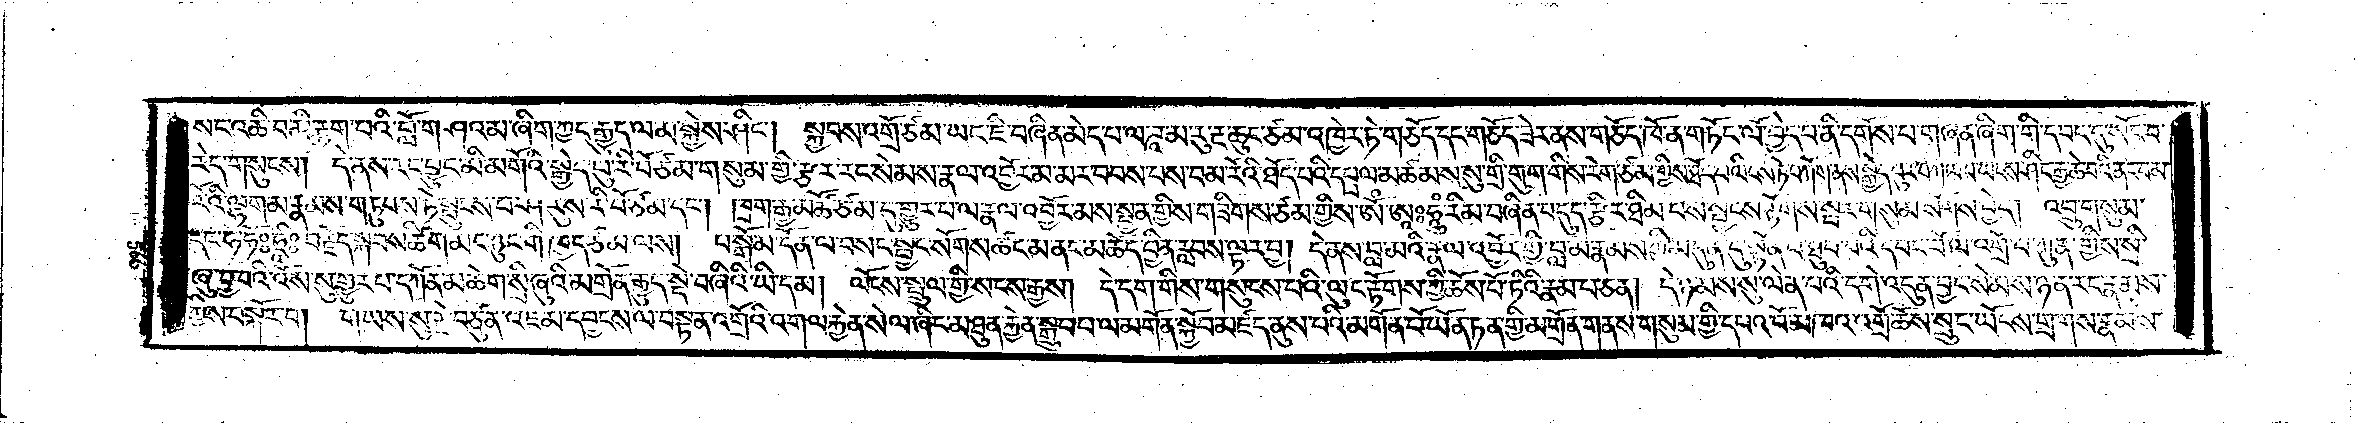སང་འཆི་བ་མི་རྟག་པའི་བློ་གཤའ་མ་ཞིག་ཀྱང་རྒྱུད་ལ་མ་སྐྱེས་ཤིང་། སྐྱབས་འགྲོ་ཙམ་ཡང་ཇི་བཞིན་མེད་པ་ལ་ཌཱ་མ་རུ་རྡ་ཆུང་ཙམ་འཁྱེར་ཏེ་གཅོད་དང་གཅོད་ཟེར་ནས་གཅོད་ཁོ་ན་གཏོང་ལོ་བྱེད་པ་ནི་དགོས་པ་གཞན་ཞིག་གི་དབང་དུ་སོང་བ་རེད་
གསུངས༑ དེ་ནས་རང་བྱུང་མི་མགོའི་སྒྱེད་པུ་རི་བོ་ཙམ་གསུམ་གྱི་རྩ་ར་རང་སེམས་རྣལ་འབྱོར་མ་མར་བབས་པས་བམ་རོའི་ཐོད་པའི་དཔྲལ་མཚམས་སུ་གྲི་གུག་གིས་རེག་ཙམ་གྱིས་ཐོད་པ་ལིངས་ཏེ་བཀོག་ནས་སྒྱེད་པུར་བཀལ་བ་ཡངས་ཤིང་རྒྱ་ཆེ་བའི་
ནང་བམ་རོའི་ལྷག་མ་རྣམས་གཏུབས་ཏེ་སྤུངས་པ་ཤ་རུས་རི་བོ་ཙམ་དང་། ཁྲག་རྒྱ་མཚོ་ཙམ་དུ་གྱུར་པ་ལ་རྣལ་འབྱོར་མས་སྤྱན་གྱིས་གཟིགས་ཙམ་གྱིས་ཨོཾ་ཨཱཿ ཧཱུཾ་རིམ་བཞིན་བདུད་རྩིར་ཐིམ་པས་སྦྱངས་རྟོགས་སྦར་གསུམ་སོགས་བྱེད། འབྲུག་གསུམ་
དང་ཧ་ཧོཿ ཧྲཱིཿ བརྗོད་སྐབས་ཚིག་མང་ཉུང་གི་ཁྱད་ཙམ་ལས། བསྒོམ་དོན་ལ་བསང་སྦྱང་སོགས་ཚད་མ་ནང་མཆོད་བྱིན་རླབས་ལྟར་བྱ། དེ་ནས་བླ་མའི་རྣལ་འབྱོར་གྱི་བླ་མ་རྣམས་ཀྱི་མདུན་དུ་སྟོན་པ་ཐུབ་པའི་དབང་པོ་ལ་འགྲོ་བ་ཀུན་གྱིས་སྲི་ཞུ་བྱ་བའི་
འོས་སུ་གྱུར་པ་དཀོན་མཆོག་སྲི་ཞུའི་མགྲོན་རྒྱུད་སྡེ་བཞིའི་ཡི་དམ། ལོངས་སྤྲུལ་གྱི་སངས་རྒྱས། དེ་དག་གིས་གསུངས་པའི་ལུང་རྟོགས་ཀྱི་ཆོས་པོ་ཏིའི་རྣམ་པ་ཅན། དེ་ཉམས་སུ་ལེན་པའི་དགེ་འདུན་བྱང་སེམས་ཉན་རང་རྣམས་ཀྱིས་བསྐོར་པ།
གཡས་སུ་རྗེ་བཙུན་འཇམ་དབྱངས་ལ་བསྟན་འགྲོའི་འགལ་རྐྱེན་སེལ་ཞིང་མཐུན་རྐྱེན་སྒྲུབ་པ་ལ་མགོན་སྐྱོབ་མཛད་ནུས་པའི་མགོན་པོ་ཡོན་ཏན་གྱི་མགྲོན་གནས་གསུམ་གྱི་དཔའ་བོ་མཁའ་འགྲོ་ཆོས་སྲུང་ཡོངས་གྲགས་རྣམས་